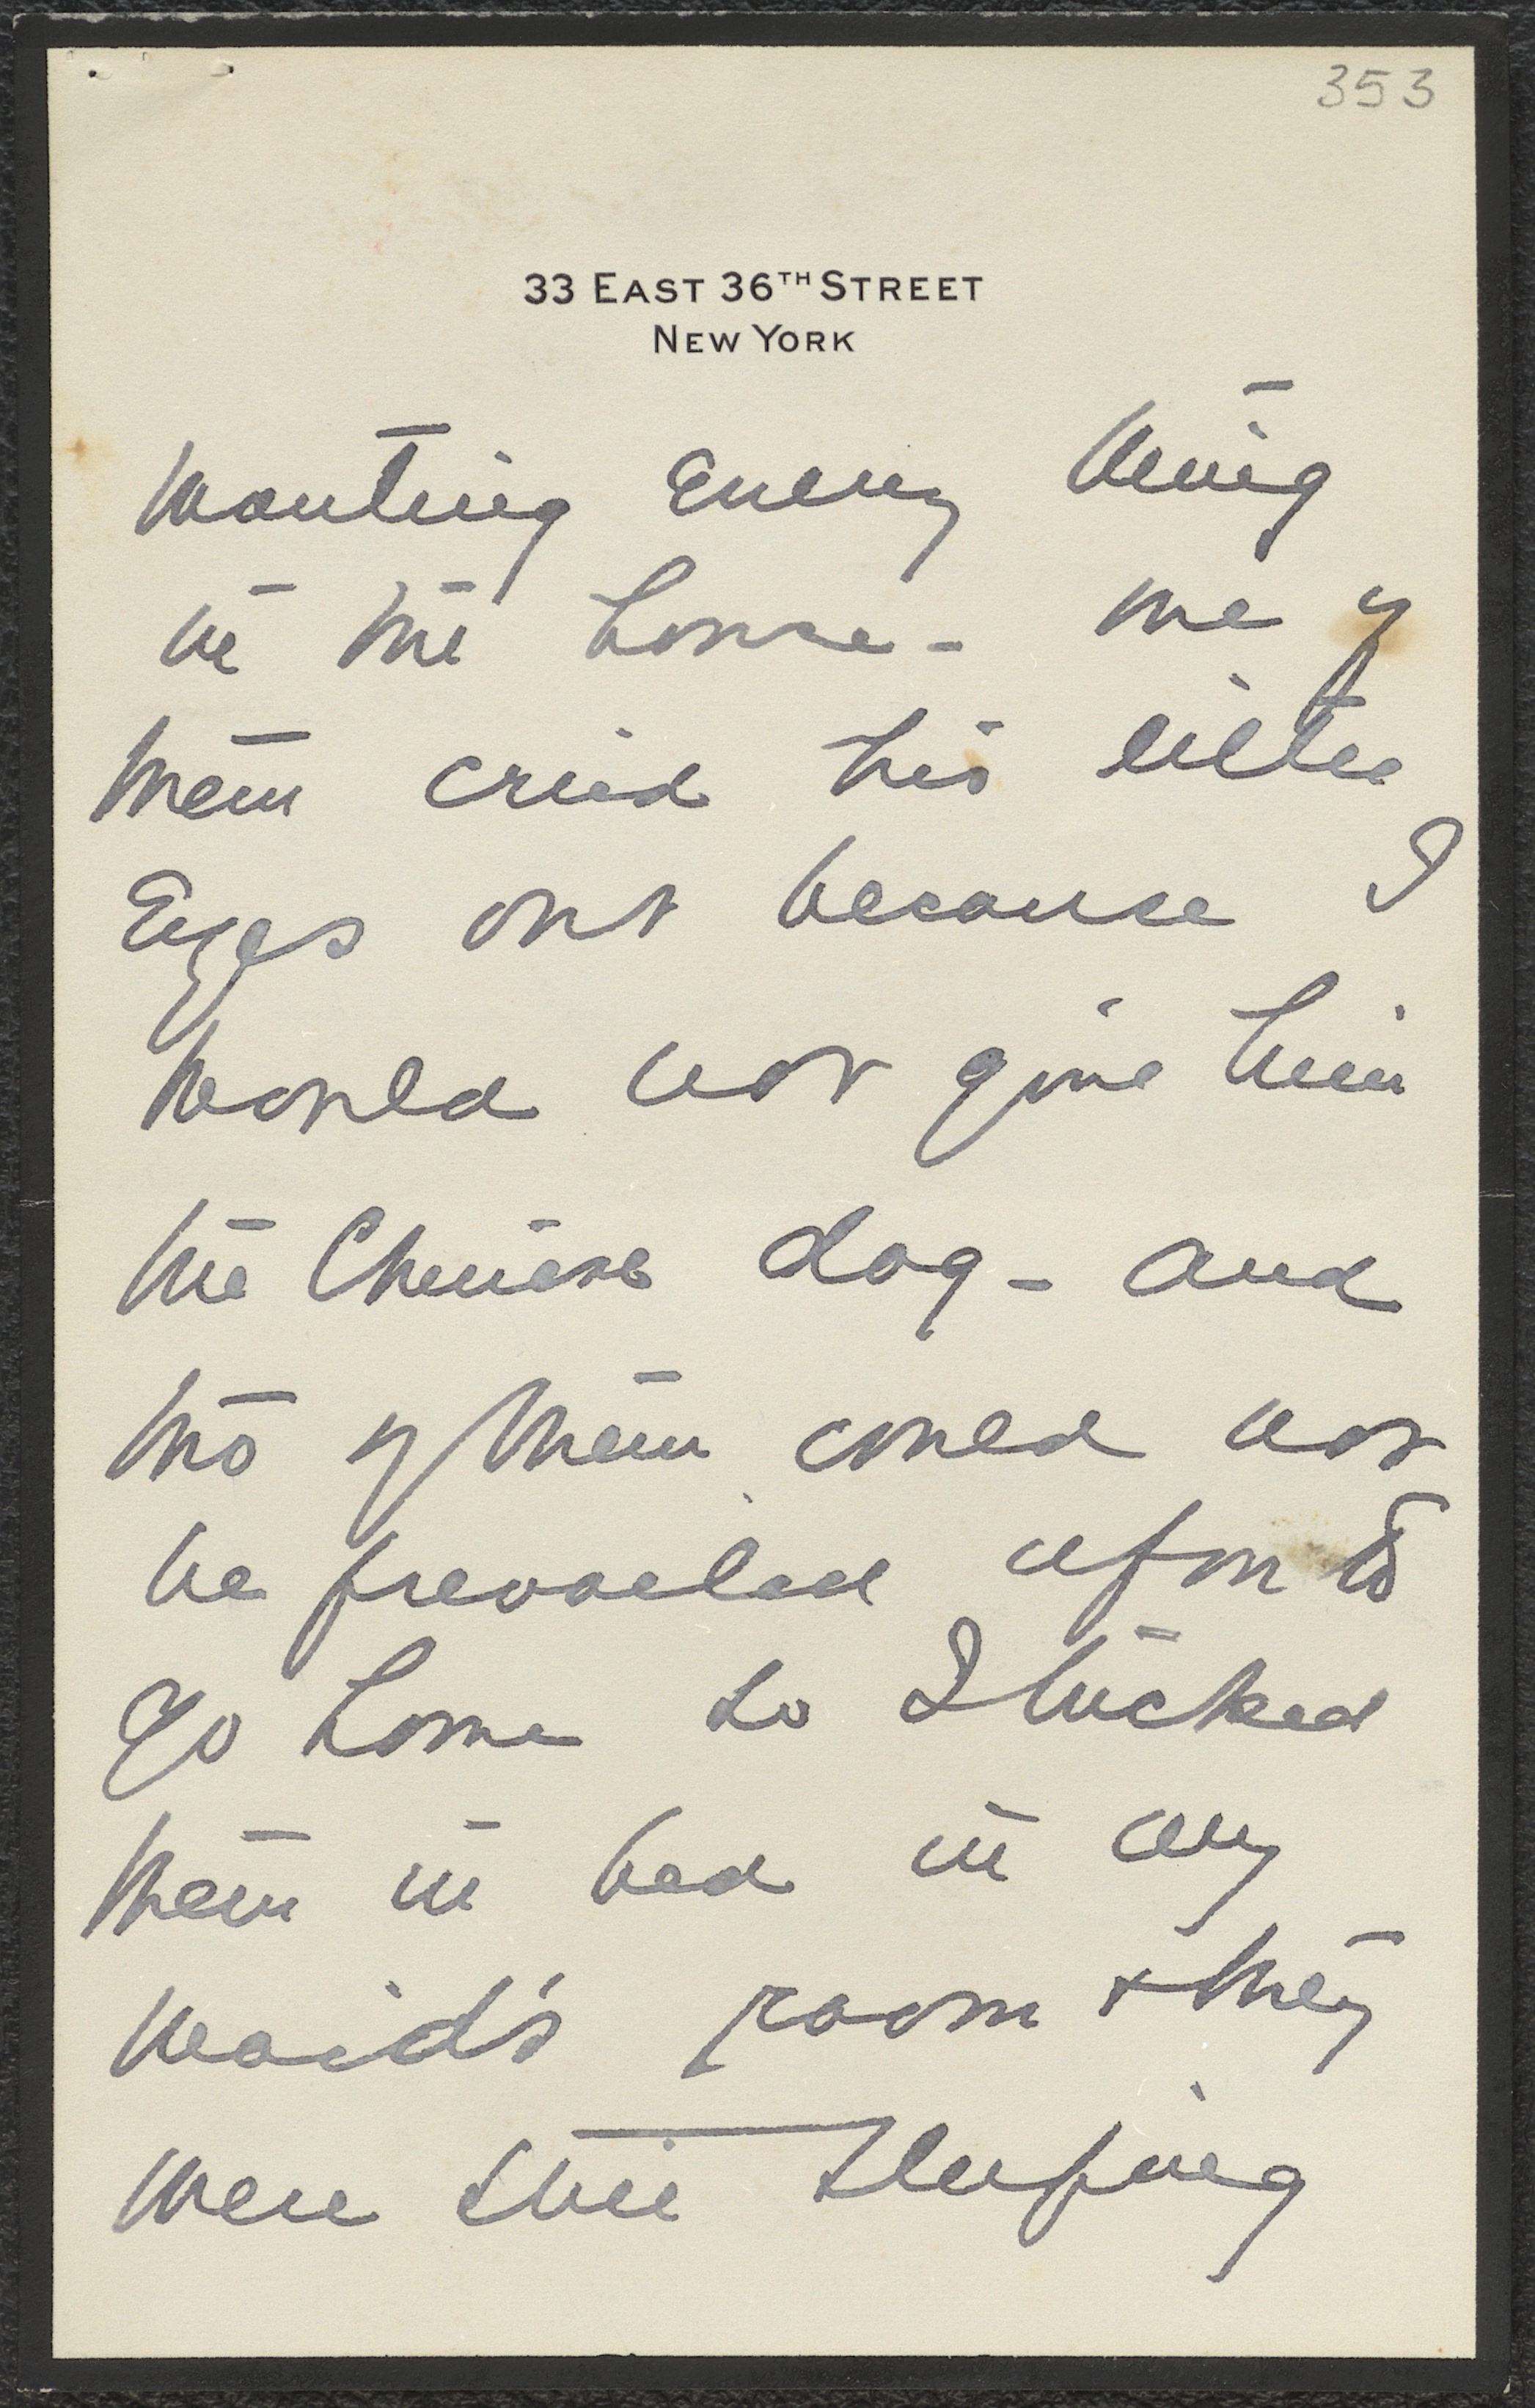wanting every thing in the house – one of them cried his little eyes out because I would not give him the Chinese dog – and two of them could not be prevailed upon to go home so I tucked them in bed in my maid’s room & they were still sleeping